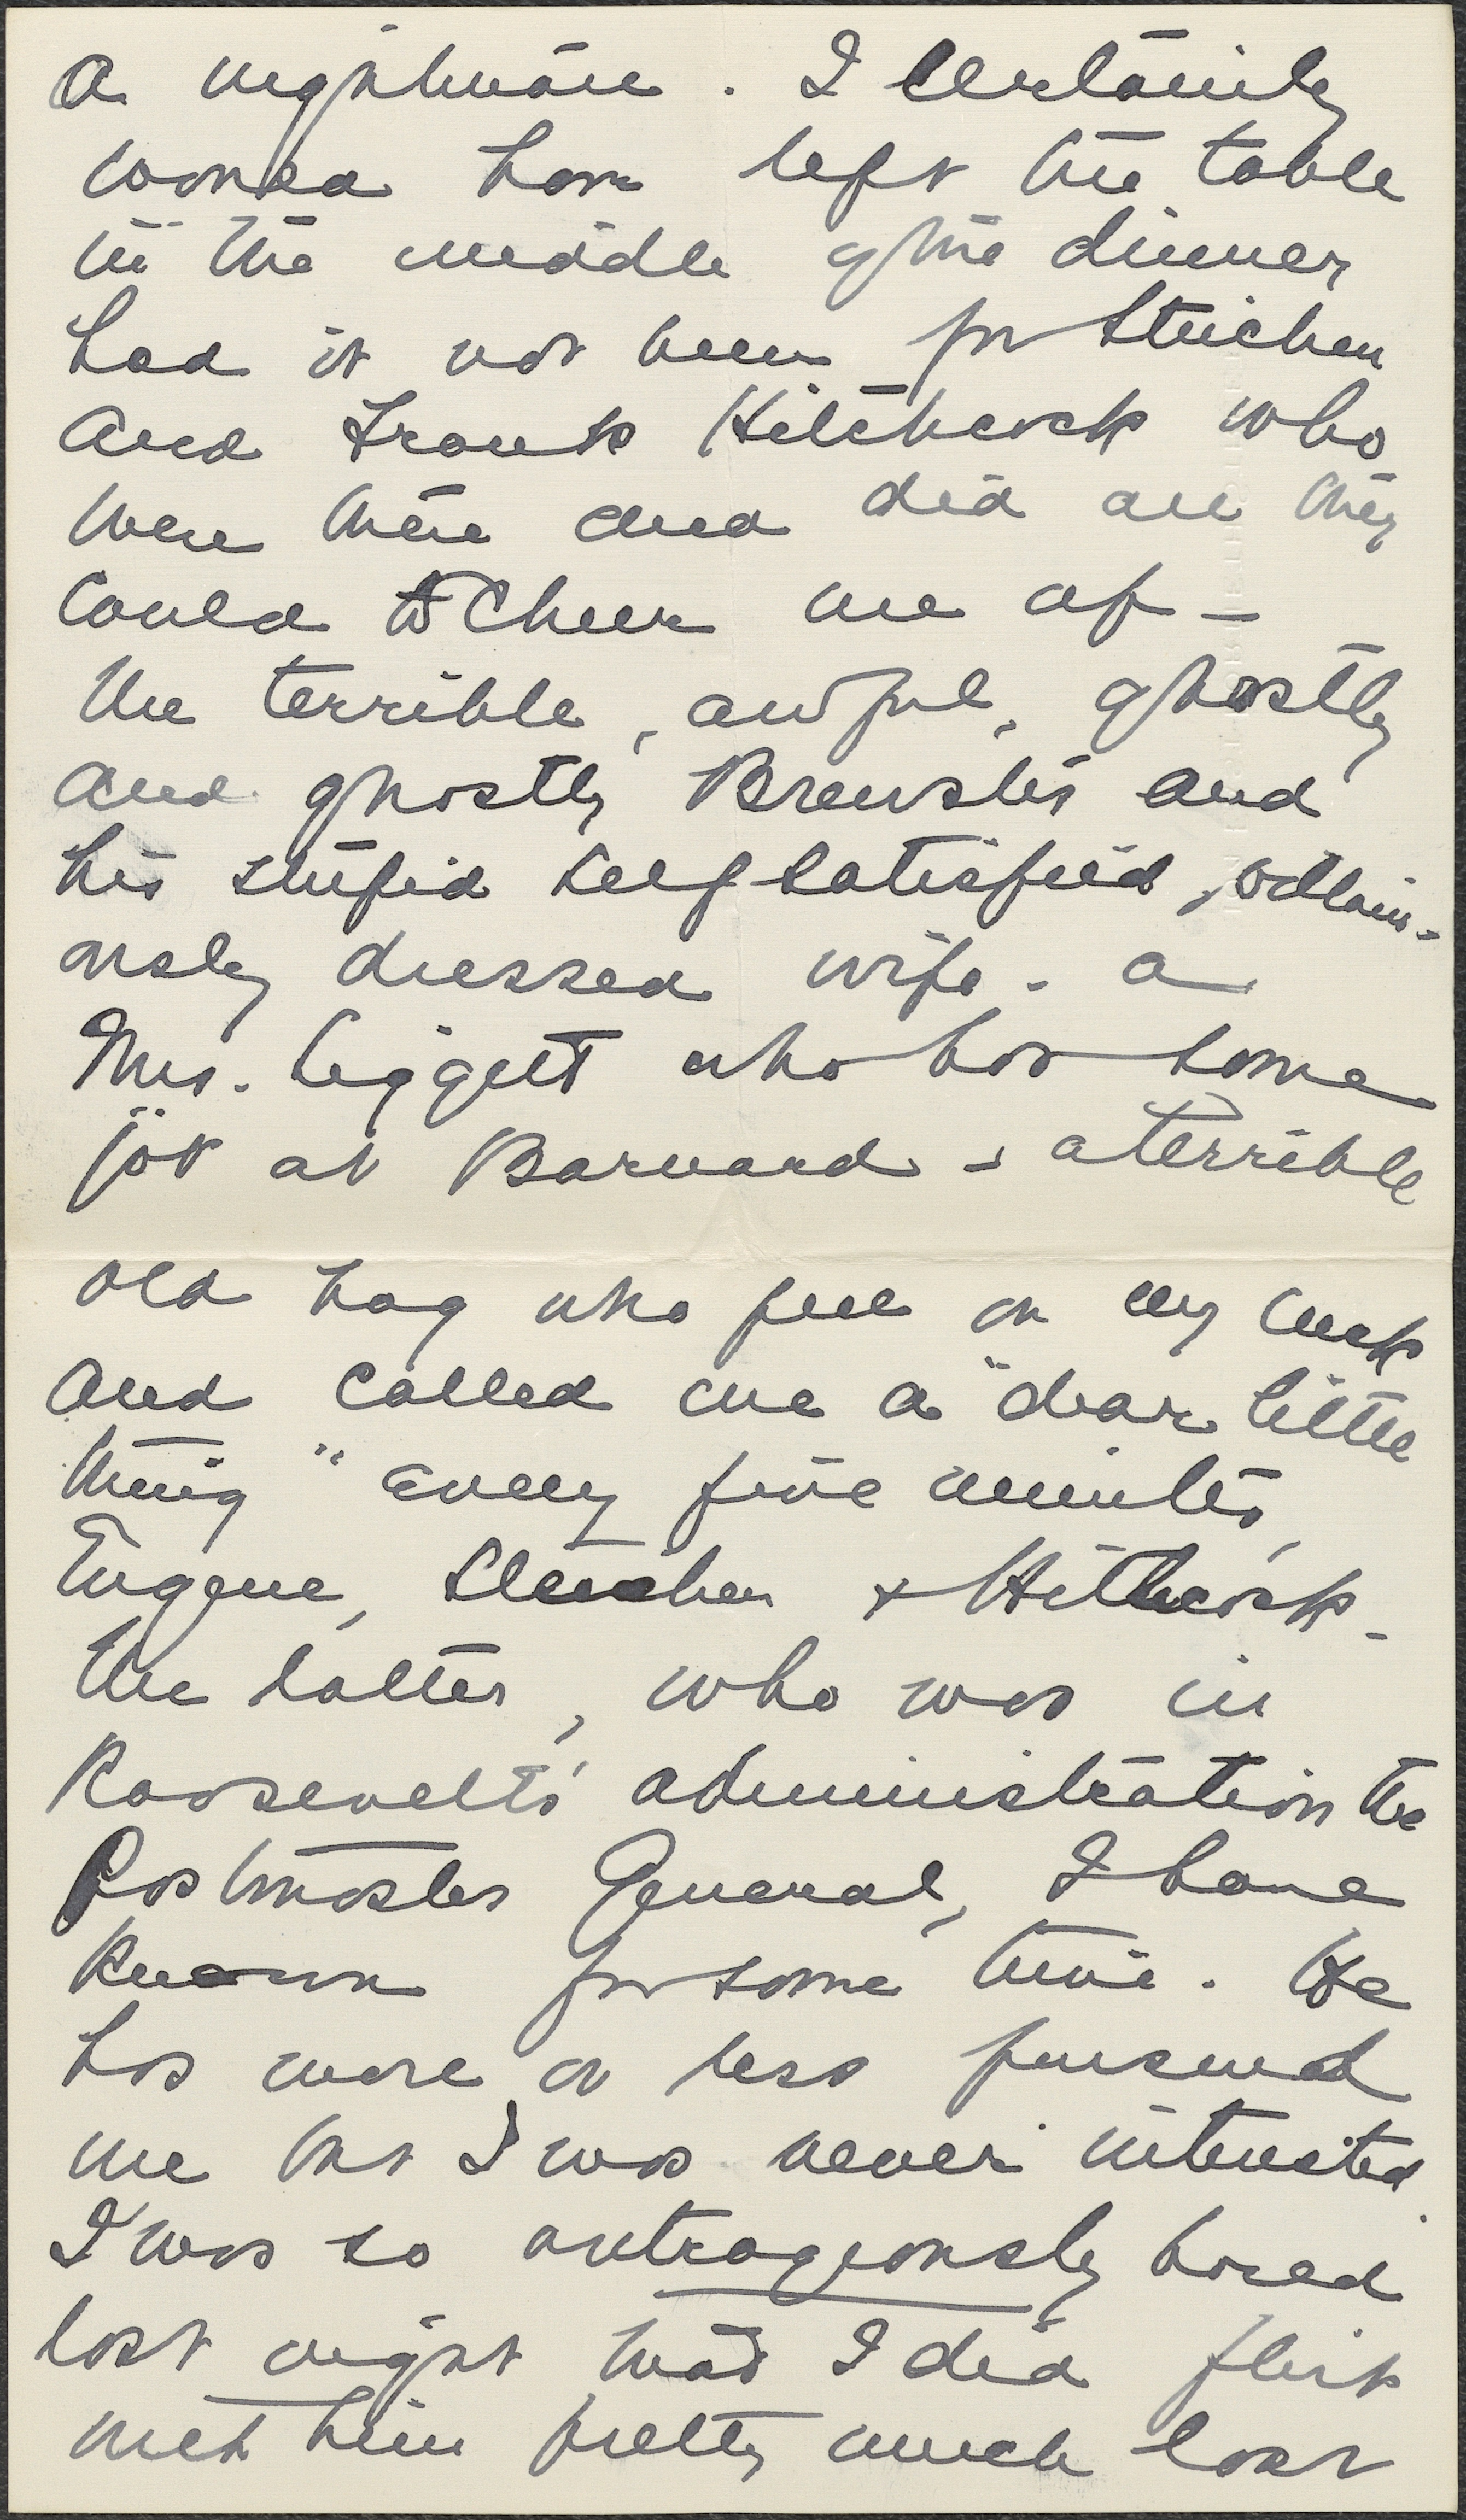a nightmare. I certainly would have left the table in the middle of the dinner had it not been for Steichen and Frank Hitchcock who were there and did all they could to cheer me up – the terrible, awful, ghastly and ghostly Brewster and his stupid self-satisfied, villainously dressed wife – a Mrs. Liggett who has some job at Barnard – a terrible old hag who fell on my neck and called me a “dear little thing” every five minutes, Eugene, Steichen & Hitchcock – the latter, who was in Roosevelt’s administration the Postmaster General, I have known for some time. He has more or less pursued me but I was never interested. I was so outrageously bored last night that I did flirt with him pretty much last